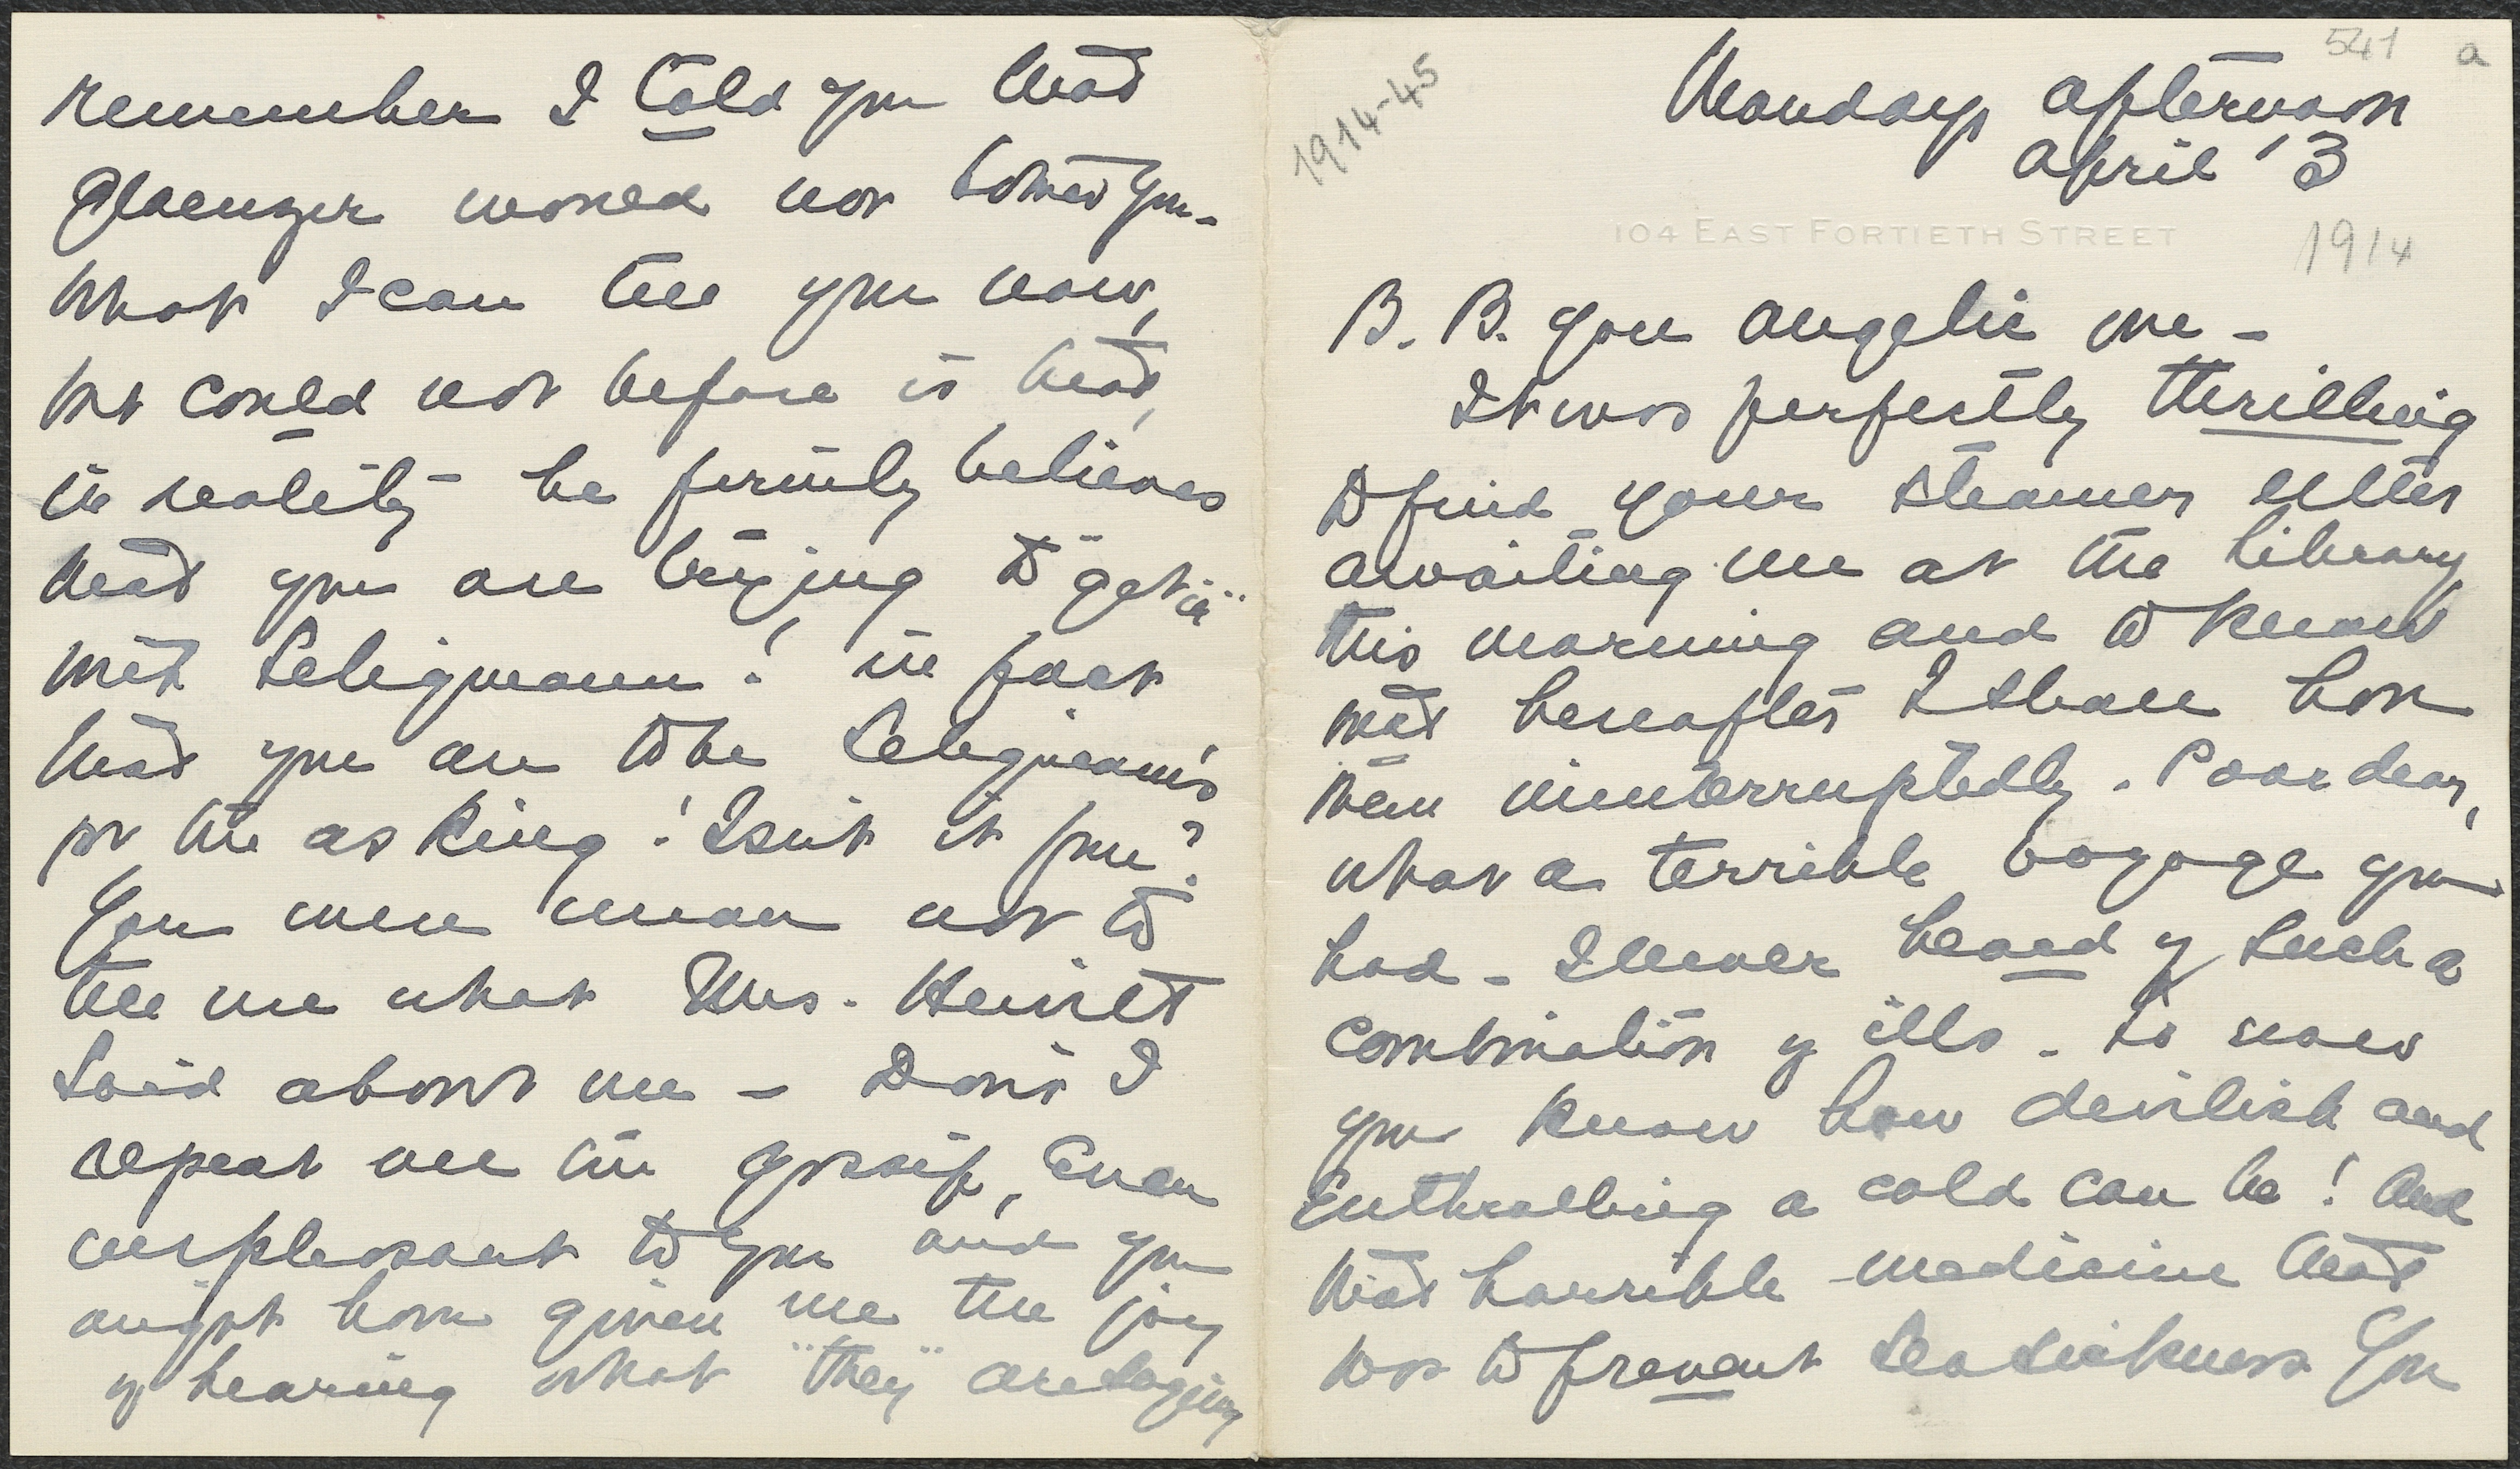Monday afternoon
April 13
B.B. you angelic one –
It was perfectly thrilling to find your steamer letter awaiting me at the Library this morning and to know that hereafter I shall have them uninterruptedly – Poor dear, what a terrible voyage you had – I never heard of such a combination of ills – So now you know how devilish and enthralling a cold can be! And that horrible medicine that was to prevent seasickness You
remember I told you that Glaenzer would not bother you – what I can tell you now, but could not before is that, in reality he firmly believes that you are trying to “get in” with Seligmann! in fact that you are to be Seligmann’s for the asking! Isn’t it fun? You were mean not to tell me what Mrs. Hewitt said about me – Don’t I repeat all the gossip, even unpleasant to you and you might have given me the joy of hearing what “they” are saying